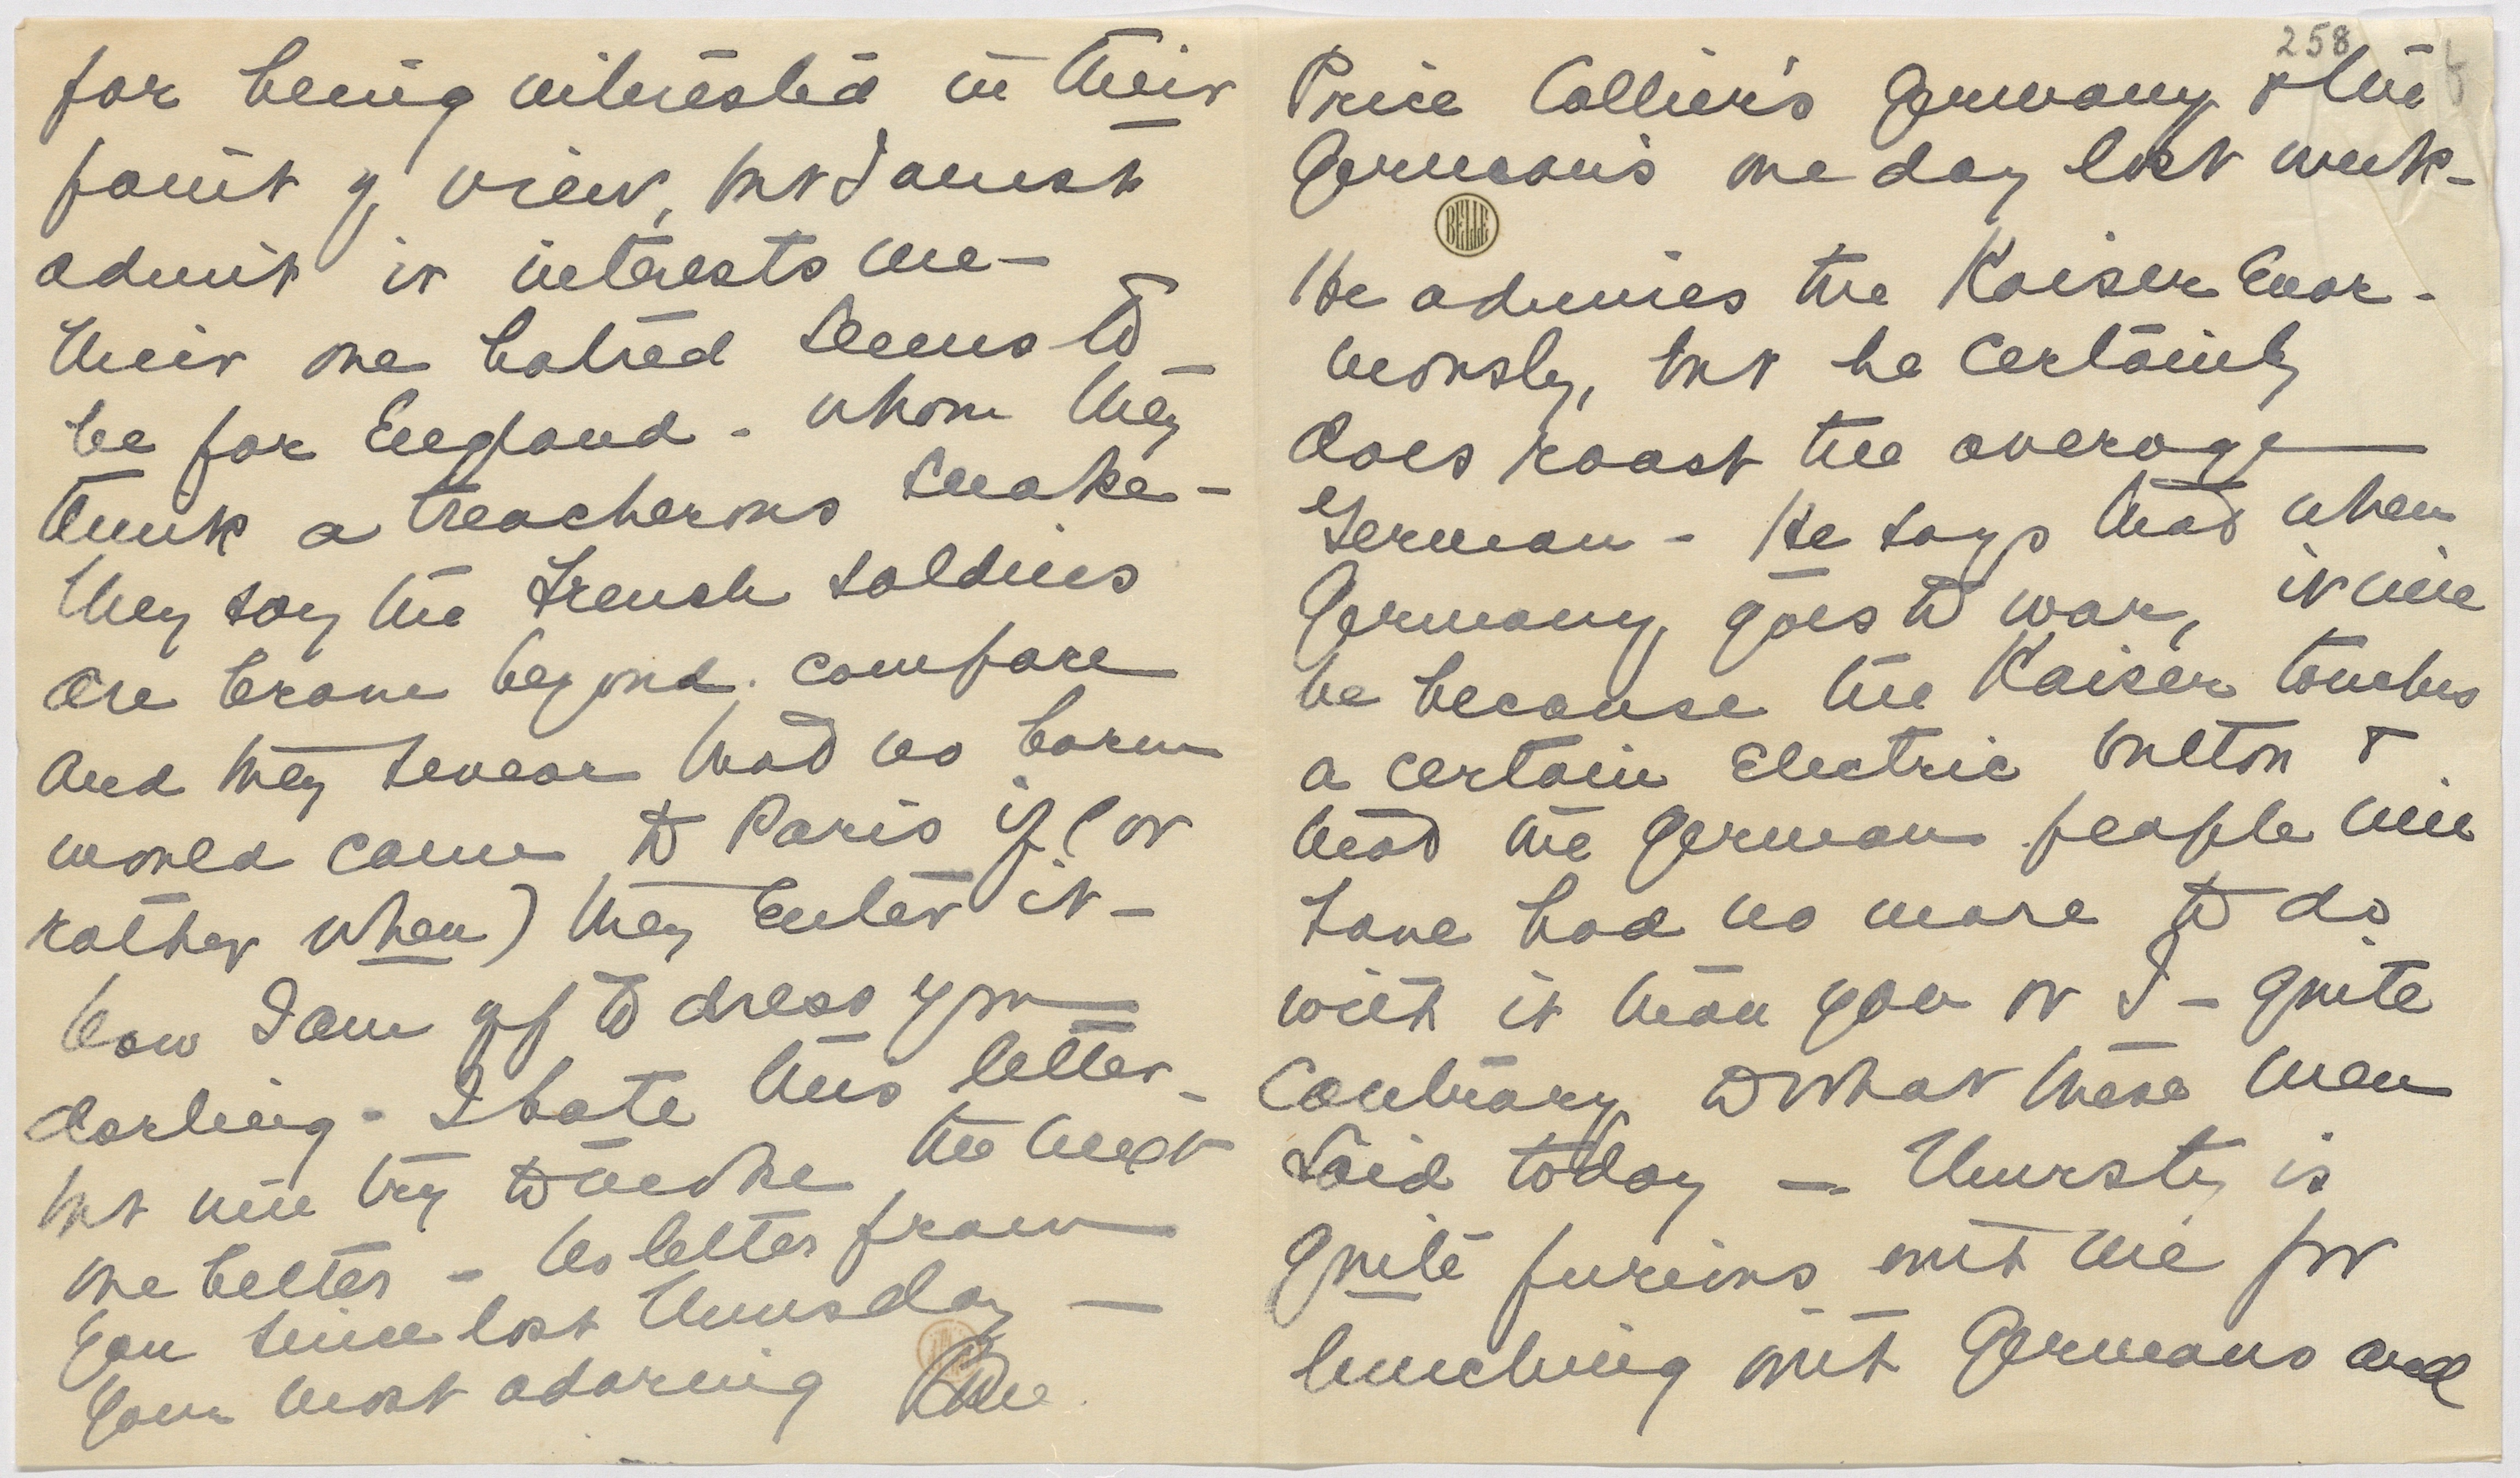Price Collier’s Germany & the Germans one day last week – He admires the Kaiser enormously, but he certainly does roast the average German – He says that when Germany goes to war, it will be because the Kaiser touches a certain electric button & that the German people will have had no more to do with it than you or I – quite contrary to what these men said today – Thursty is quite furious with me for lunching with Germans and
for being interested in their point of view, but I must admit it interests me – Their one hatred seems to be for England – whom they think a treacherous snake – they say the French soldiers are brave beyond compare and they swear that no harm would come to Paris if (or rather when) they enter it –
Now I am up to dress you darling – I hate this letter but will try to make the next one better – no letter from you last Thursday –
Your most adoring Belle